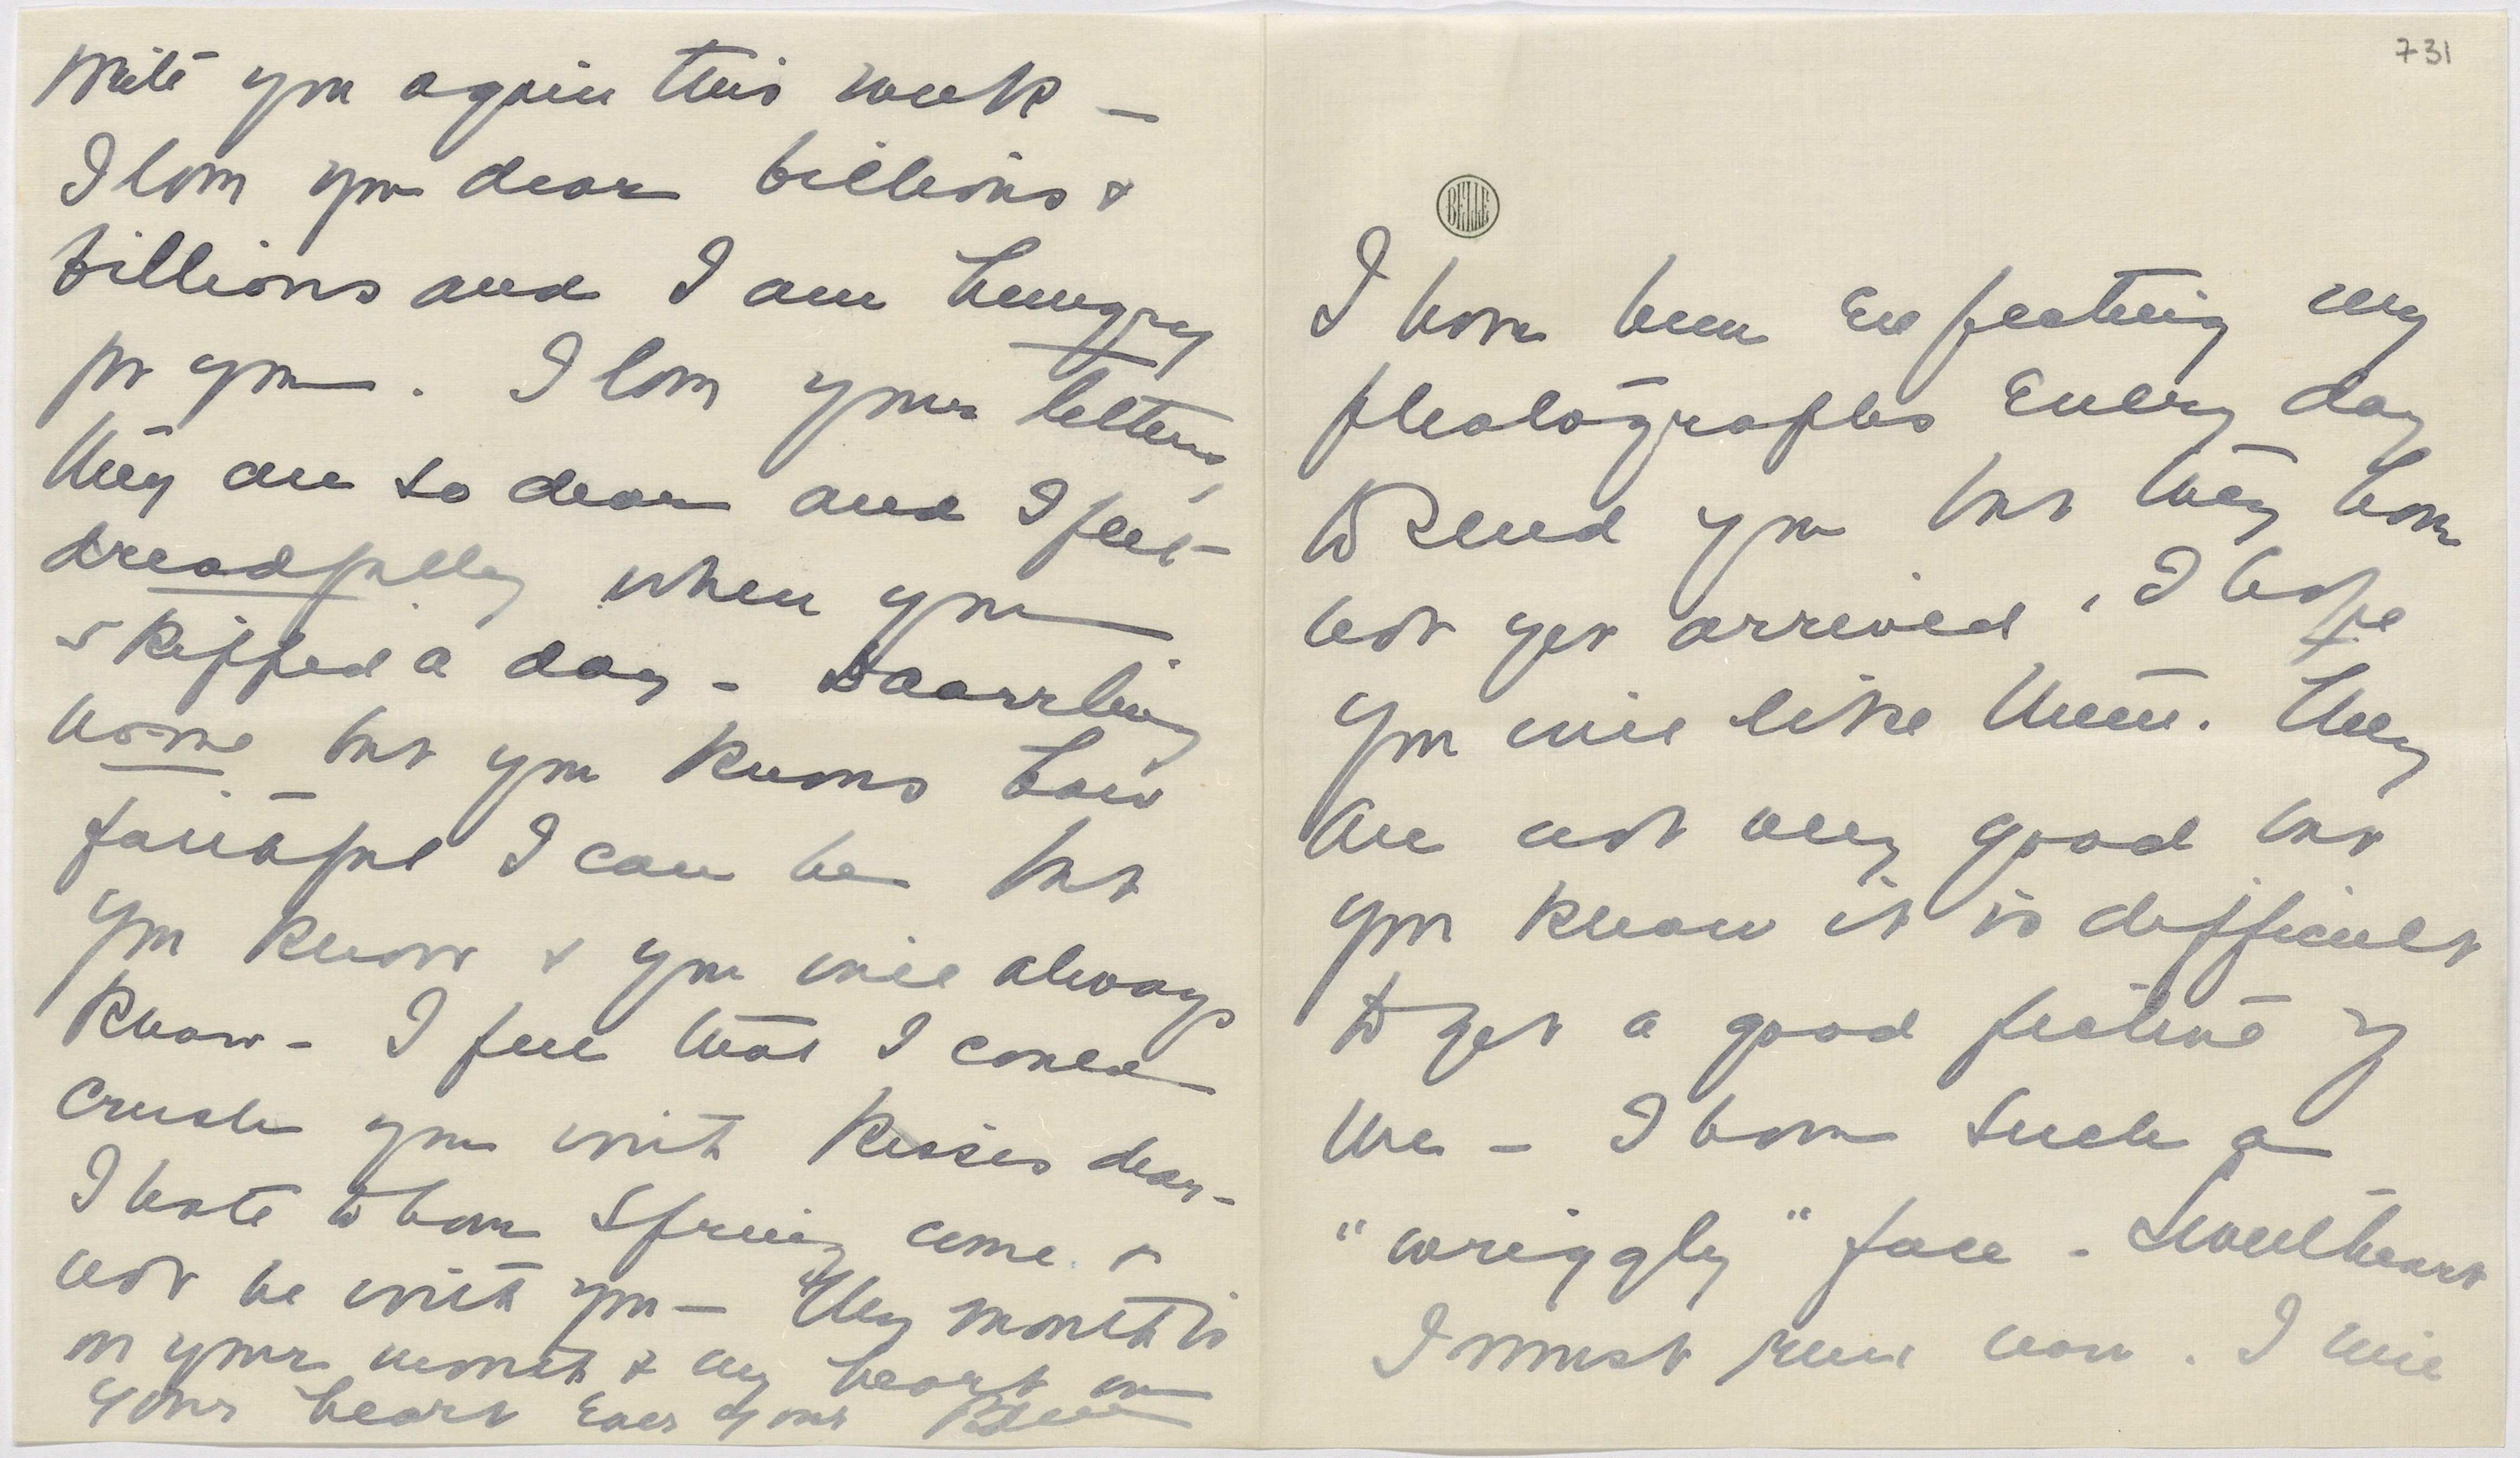I have been expecting my photographs every day to send you but they have not yet arrived, I hope you will like them. They are not any good but you know it is difficult to get a good picture of me – I have such a “wriggly” face – Sweetheart I must run now. I will
write you again this week – I love you dear billions & billions and I am hungry for you. I love your letters, they are so dear and I feel dreadfully when you skipped a day – Daarrling no one but you knows how faithful I can be but you know & you will always know – I feel that I could crush you with kisses dear – I hate to have spring come & not be with you – My mouth is on your mouth & my heart on your heart Ever your Belle